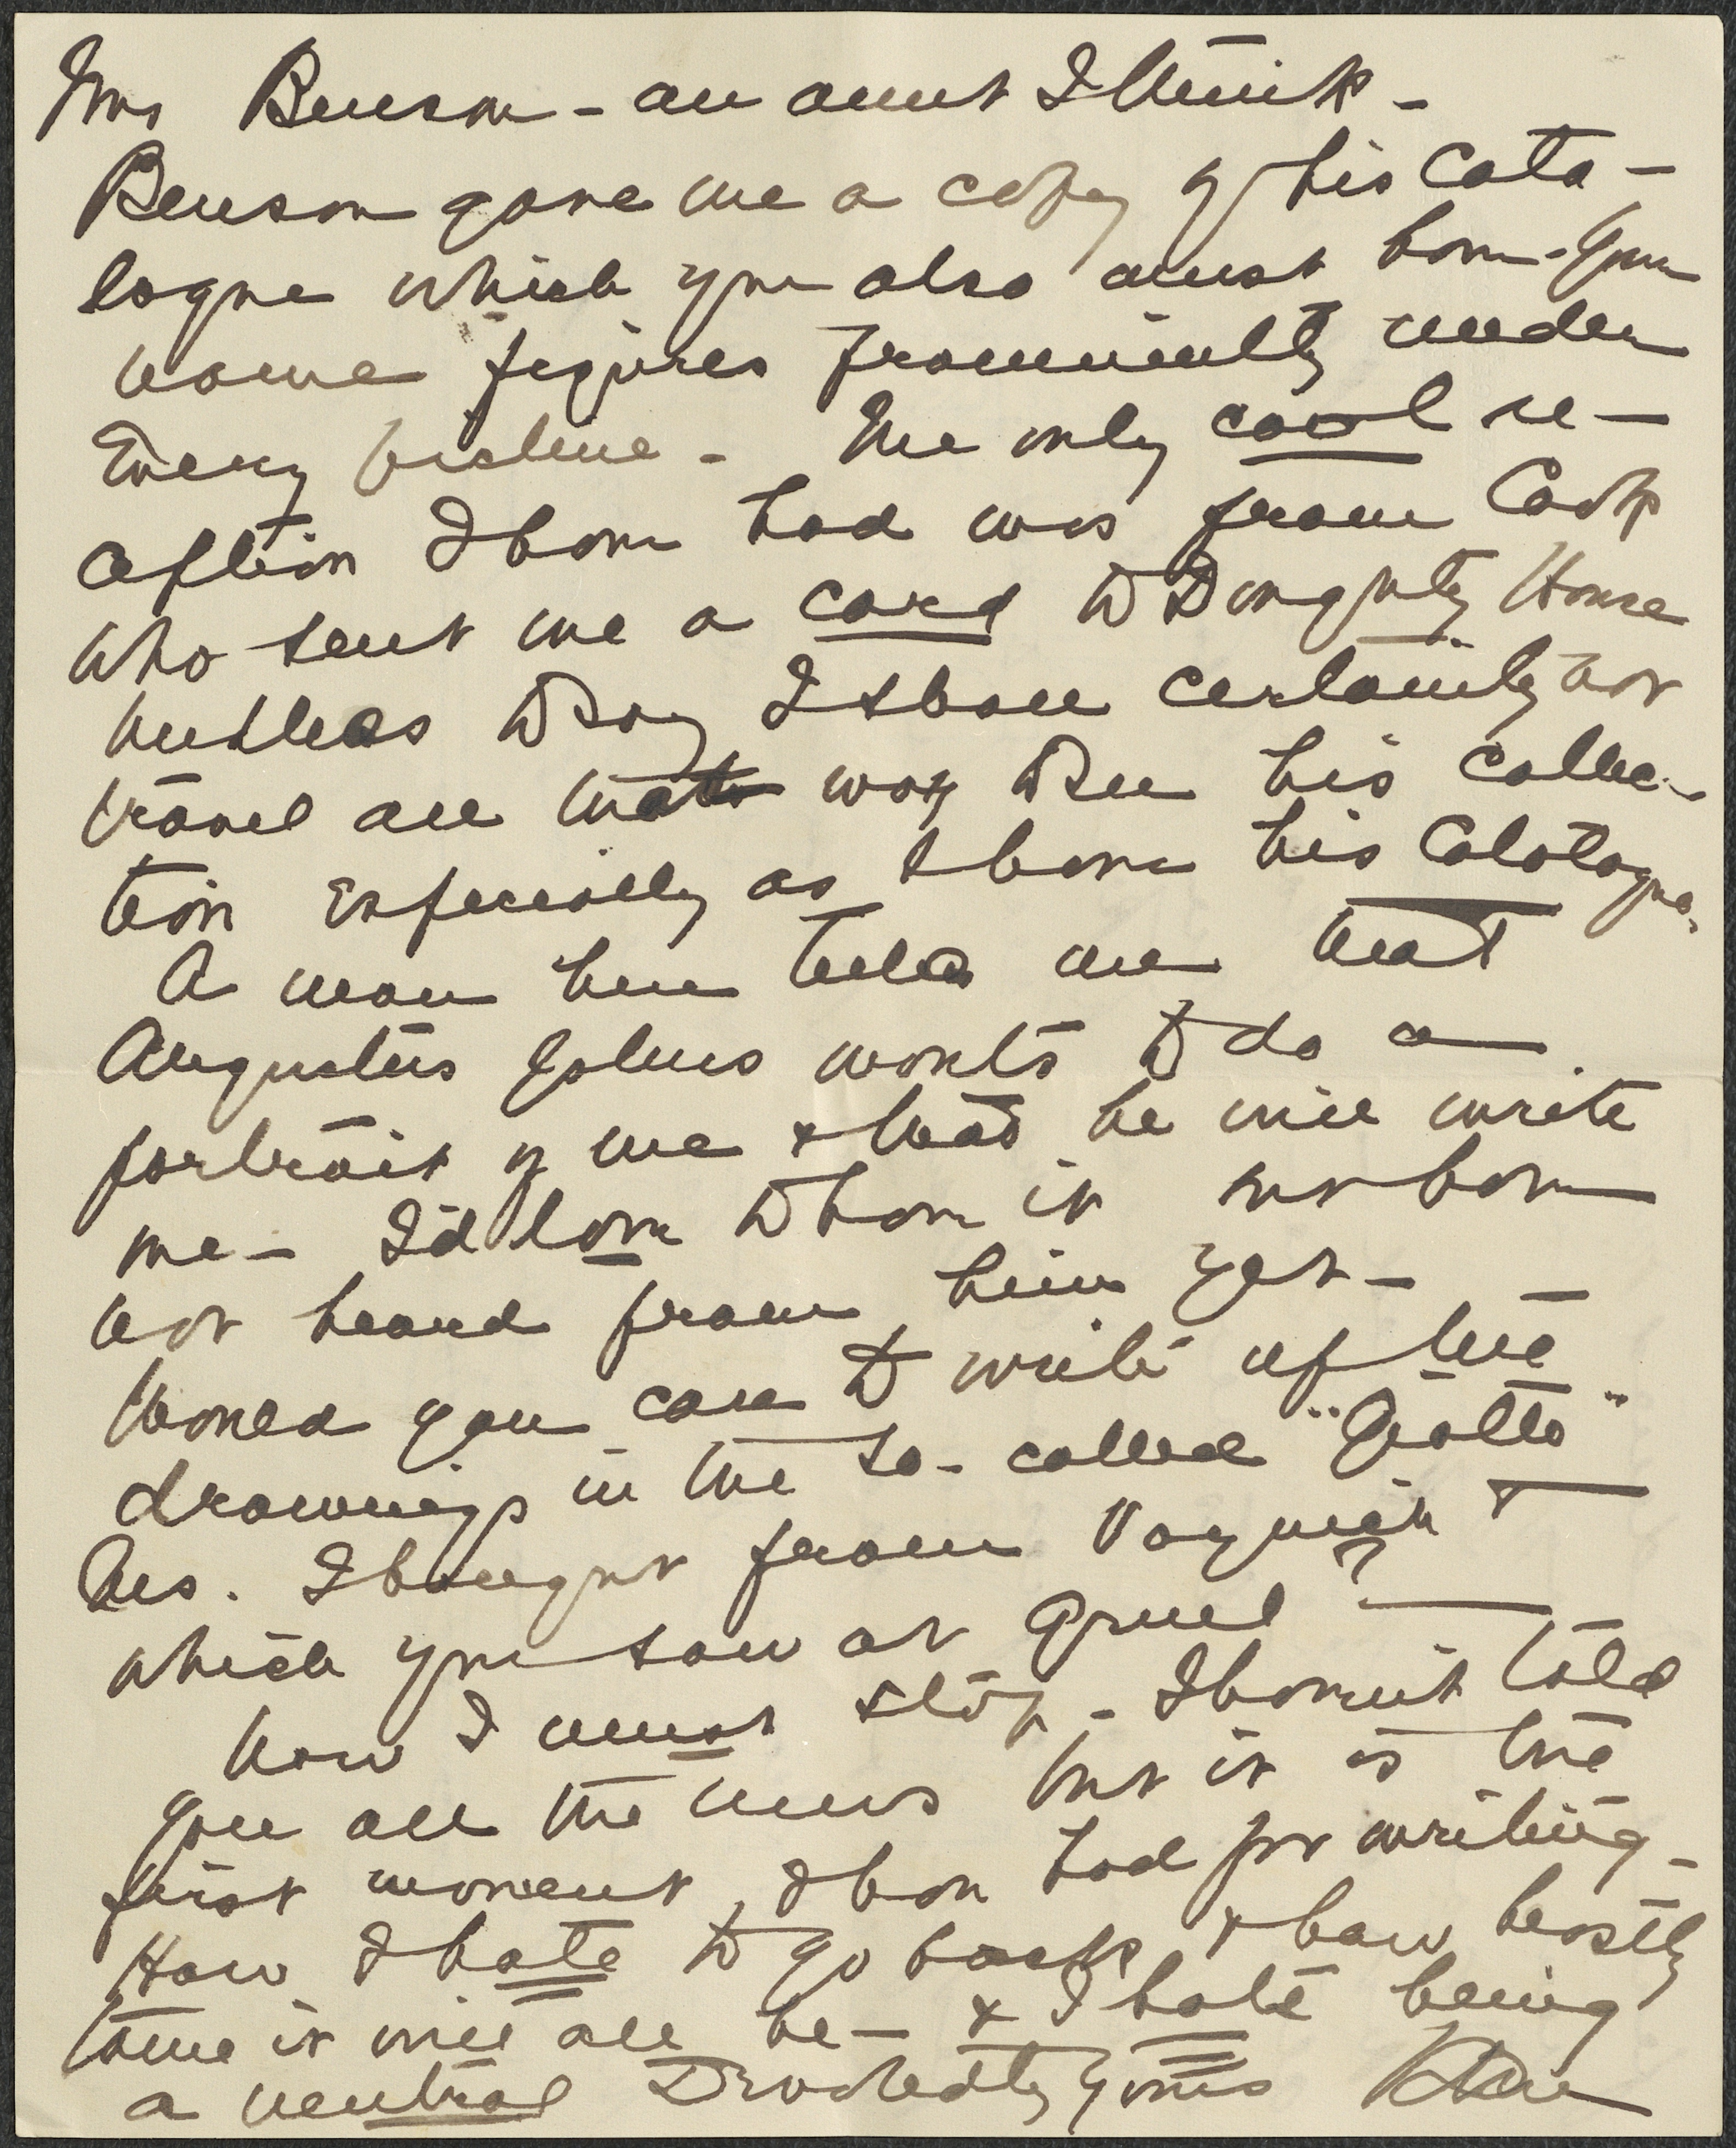Mrs Benson – an aunt I think –
Benson gave me a copy of his catalogue which you also must have – Your name figures prominently under every picture – The only cool relation I have had was from Cook who sent me a card to Doughty House needless to say I shall certainly not travel all that way to see his collection especially as I have his catalogue.
A man here tells me that Augustus Johns wants to do a portrait of me & that he will write me – I’d love to have it but have not heard from him yet –
Would you care to write up the drawings in the so-called “Giotto” MS. I bought from Voynich & which you saw at Gruel? –
Now I must stop – I haven’t told you all the news but it is the first moment I have had for writing – How I [double underlined: hate] to go back & how beastly tame it will all be – & I [triple underlined: hate] being a neutral Devotedly Yours Belle